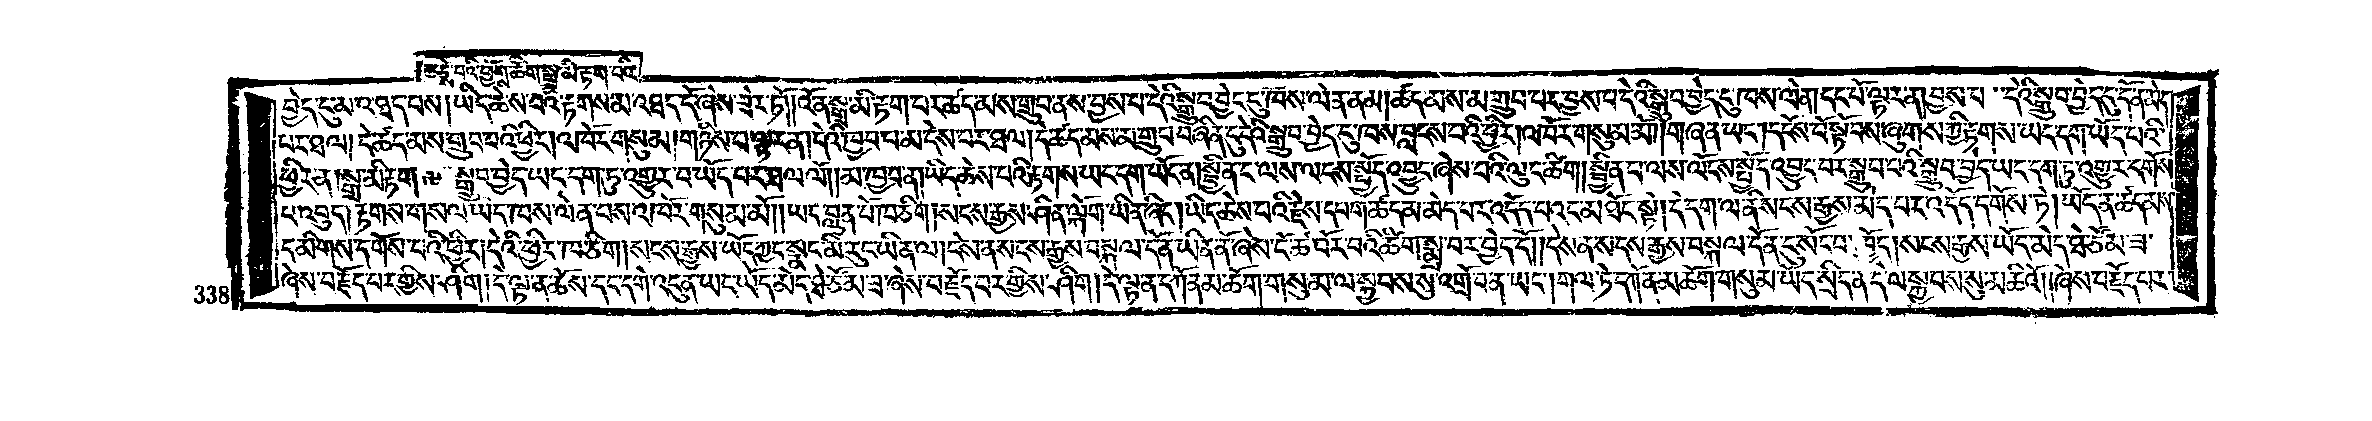བྱེད་དུ་མི་འཐད་པས། ཡིད་ཆེས་པའི་རྟགས་མ་འཐད་དོ་ཞེས་ཟེར་ཏོ། །འོ་ན་སྒྲ་མི་རྟག་པར་ཚད་མས་གྲུབ་ནས་བྱས་པ་དེའི་སྒྲུབ་བྱེད་དུ་ཁས་ལེན་ནམ། ཚད་མས་མ་གྲུབ་པར་བྱས་པ་དེའི་སྒྲུབ་བྱེད་དུ་ཁས་ལེན། དང་པོ་ལྟར་ན། བྱས་པ་དེའི་སྒྲུབ་བྱེད་དུ་དོན་མེད་
པར་ཐལ། དེ་ཚད་མས་གྲུབ་པའི་ཕྱིར། འཁོར་གསུམ། གཉིས་པ་ལྟར་ན། དེའི་ཁྱབ་པ་མ་ངེས་པར་ཐལ། དེ་ཚད་མས་མ་གྲུབ་བཞིན་དུ་དེའི་སྒྲུབ་བྱེད་དུ་ཁས་བླངས་པའི་ཕྱིར། འཁོར་གསུམ་མོ། །གཞན་ཡང་། དངོས་པོ་སྟོབས་ཞུགས་ཀྱི་རྟགས་ཡང་དག་ཡོད་པའི་
ཕྱིར་ན། སྒྲ་མི་རྟག་ངེས་པའི་ཕྱོགས་ཚིག་སྒྲ་མི་རྟག་པའི་སྒྲུབ་བྱེད་ཡང་དག་ཏུ་འགྱུར་བ་ཡོད་པར་ཐལ་ལོ། །མ་ཁྱབ་ན། ཡིད་ཆེས་པའི་རྟགས་ཡང་དག་ཡོད་ན། སྦྱིན་པ་ལས་ལོངས་སྤྱོད་འབྱུང་ཞེས་པའི་ལུང་ཚིག །སྦྱིན་པ་ལས་ལོངས་སྤྱོད་འབྱུང་བར་སྒྲུབ་པའི་སྒྲུབ་བྱེད་ཡང་དག་ཏུ་འགྱུར་དགོས་
པ་འབུད། རྟགས་གསལ་ཡང་ཁས་ལེན་པས་འཁོར་གསུམ་མོ། །ཡང་བླུན་པོ་ཁ་ཅིག །སངས་རྒྱས་ཤིན་ལྐོག་ཡིན་ཞིང་། ཡིད་ཆེས་པའི་རྗེས་དཔག་ཚད་མ་མེད་པར་འདོད་པའང་མཐོང་སྟེ། དེ་དག་ལ་ནི་སངས་རྒྱས་མེད་པར་འདོད་དགོས་ཏེ། ཡོད་ན་ཚད་མས་
དམིགས་དགོས་པའི་ཕྱིར། དེའི་ཕྱིར་ཁ་ཅིག །སངས་རྒྱས་ཡོད་ཀྱང་སྣང་མི་རུང་ཡིན་ལ། དེས་ན་སངས་རྒྱས་བསྐལ་དོན་ཡིན་ནོ་ཞེས་ངོ་ཚ་བོར་བའི་ཚིག་སྨྲ་བར་བྱེད་དོ། །དེས་ན་སངས་རྒྱས་བསྐལ་དོན་དུ་སོང་བ་ཁྱོད། སངས་རྒྱས་ཡོད་མེད་ཐེ་ཙོམ་ཟ་
ཞེས་བརྗོད་པར་གྱིས་ཤིག །དེ་ལྟ་ན་ཆོས་དང་དགེ་འདུན་ཡང་ཡོད་མེད་ཐེ་ཙོམ་ཟ་ཞེས་བརྗོད་པར་གྱིས་ཤིག །དེ་ལྟ་ན་དཀོན་མཆོག་གསུམ་ལ་སྐྱབས་སུ་འགྲོ་བ་ན་ཡང་། གལ་ཏེ་དཀོན་མཆོག་གསུམ་ཡོད་སྲིད་ན་དེ་ལ་སྐྱབས་སུ་མཆིའོ། །ཞེས་བརྗོད་པར་